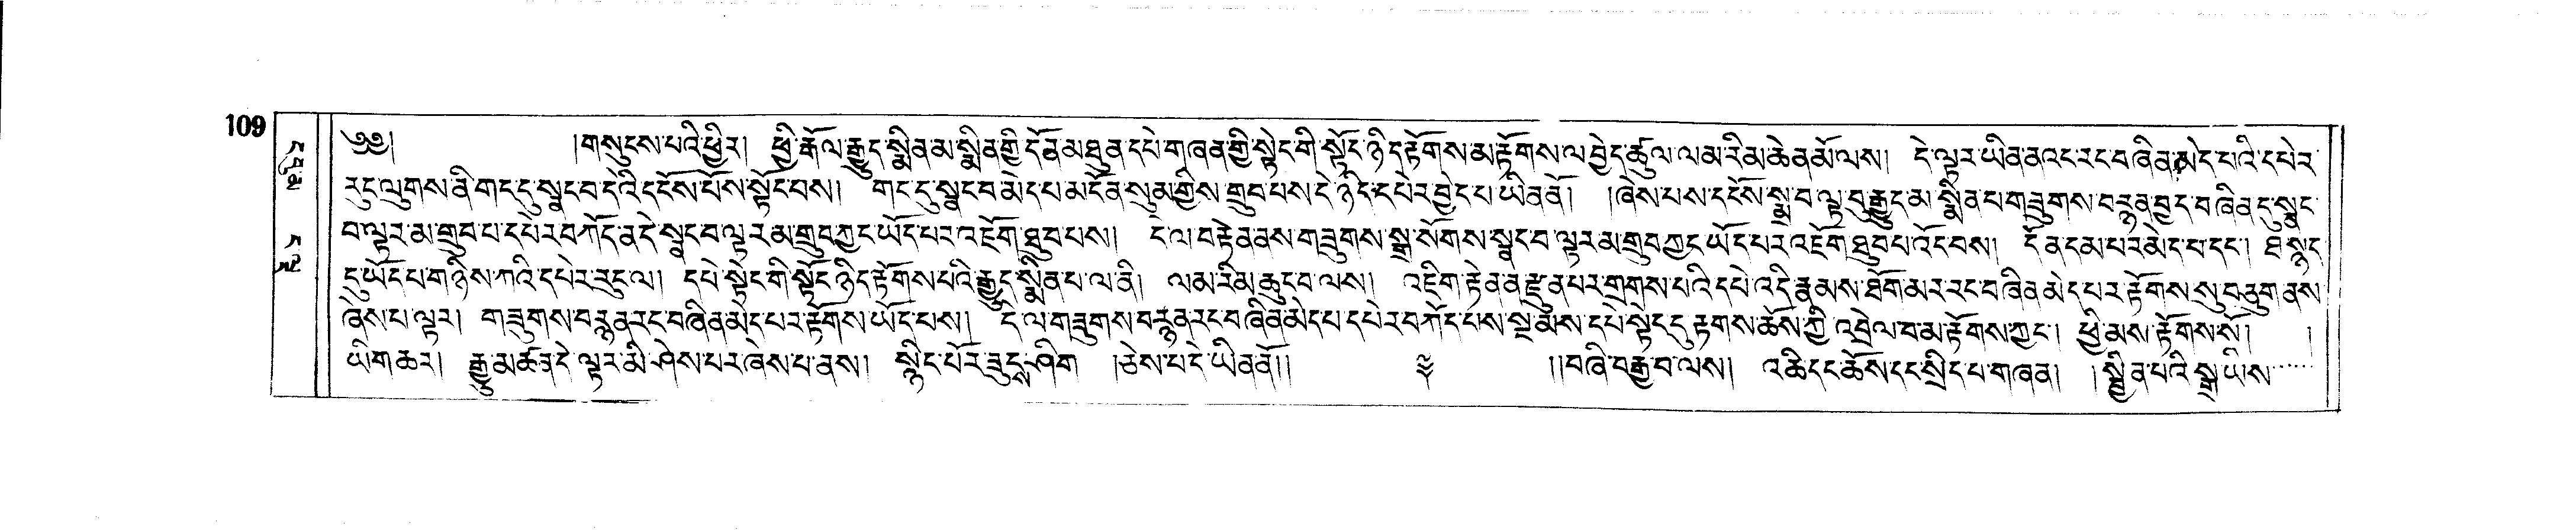༄༅། །གསུངས་པའི་ཕྱིར། ཕྱི་རྒོལ་རྒྱུད་སྨིན་མ་སྨིན་གྱི་དོན་མཐུན་དཔེ་གཞན་གྱི་སྟེང་གི་སྟོང་ཉིད་རྟོགས་མ་རྟོགས་ལ་བྱེད་ཚུལ་ལམ་རིམ་ཆེན་མོ་ལས། དེ་ལྟར་ཡིན་ནའང་རང་བཞིན་མེད་པའི་དཔེར་
རུང་ལུགས་ནི་གང་དུ་སྣང་བ་དེའི་དངོས་པོས་སྟོང་བས། གང་དུ་སྣང་བ་མེད་པ་མངོན་སུམ་གྱིས་གྲུབ་པས་དེ་ཉིད་དཔེར་བྱེད་པ་ཡིན་ནོ། །ཞེས་པས་དངོས་སྨྲ་བ་ལྟ་བུ་རྒྱུད་མ་སྨིན་པ་གཟུགས་བརྙན་བྱད་བཞིན་དུ་སྣང་
བ་ལྟར་མ་གྲུབ་པ་དཔེར་བཀོད་ན་དེ་སྣང་བ་ལྟར་མ་གྲུབ་ཀྱང་ཡོད་པར་འཇོག་ཐུབ་པས། དེ་ལ་བརྟེན་ནས་གཟུགས་སྒྲ་སོགས་སྣང་བ་ལྟར་མ་གྲུབ་ཀྱང་ཡོད་པར་འཇོག་ཐུབ་པ་འོང་བས། དོན་དམ་པར་མེད་པ་དང་། ཐ་སྙད་
དུ་ཡོད་པ་གཉིས་ཀའི་དཔེར་རུང་ལ། དཔེ་སྟེང་གི་སྟོང་ཉིད་རྟོགས་པའི་རྒྱུད་སྨིན་པ་ལ་ནི། ལམ་རིམ་ཆུང་བ་ལས། འཇིག་རྟེན་ན་རྫུན་པར་གྲགས་པའི་དཔེ་འདི་རྣམས་ཐོག་མར་རང་བཞིན་མེད་པར་རྟོགས་སུ་བཅུག་ནས་
ཞེས་པ་ལྟར། གཟུགས་བརྙན་རང་བཞིན་མེད་པར་རྟོགས་ཡོད་པས། དེ་ལ་གཟུགས་བརྙན་རང་བཞིན་མེད་པ་དཔེར་བཀོད་པས་སྔ་མས་དཔེ་སྟེང་དུ་རྟགས་ཆོས་ཀྱི་འབྲེལ་བ་མ་རྟོགས་ཀྱང་། ཕྱི་མས་རྟོགས་སོ། །
ཡིག་ཆར། རྒྱུ་མཚན་དེ་ལྟར་མི་ཤེས་པར་ཞེས་པ་ནས། སྙིང་པོར་ཟུངས་ཤིག །ཅེས་པ་དེ་ཡིན་ནོ།། ༈ །།བཞི་བརྒྱ་བ་ལས། འཆི་དང་ཆོས་དང་སྲིད་པ་གཞན། །སྦྱིན་པའི་སྒྲ་ཡིས་